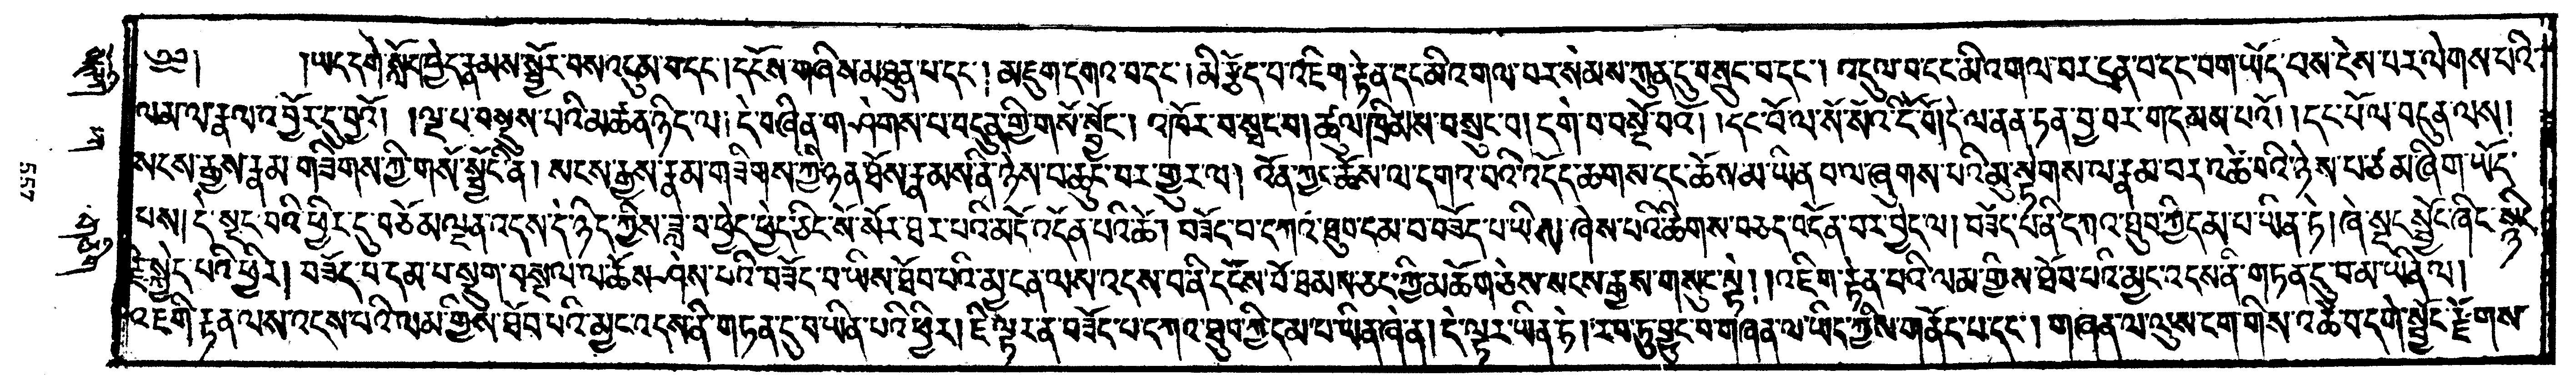༄༅། །ཡང་དགེ་སློང་ཁྱེད་རྣམས་སྦྱོར་བས་འདུམ་བ་དང་། དངོས་གཞིས་མཐུན་པ་དང་། མཇུག་དགའ་བ་དང་། མི་རྩོད་པ་འཇིག་རྟེན་དང་མི་འགལ་པར་སེམས་ཀུན་དུ་བསྲུང་བ་དང་། འདུལ་བ་ངང་མི་འགལ་བར་དྲན་བ་དང་བག་ཡོད་པས་ངེས་པར་ལེགས་པའི་
ལམ་ལ་རྣལ་འབྱོར་དུ་བྱའོ། །ལྔ་པ་བསྡུས་པའི་མཚན་ཉིད་ལ། དེ་བཞིན་གཤེགས་པ་བདུན་གྱི་གསོ་སྦྱོང་། འཁོར་བ་སྤང་བ། ཚུལ་ཁྲིམས་བསྲུང་བ། དགེ་བ་བསྔོ་བའོ། །དང་པོ་ལ་སོ་སོའི་ངོ་བོ། དེ་ལ་ནན་ཏན་བྱ་བར་གདམས་པའོ། །དང་པོ་ལ་བདུན་ལས།
སངས་རྒྱས་རྣམ་གཟིགས་ཀྱི་གསོ་སྦྱོང་ནི། སངས་རྒྱས་རྣམ་གཟིགས་ཀྱི་ཉན་ཐོས་རྣམས་ནི་ཉེས་པ་ཆུང་བར་གྱུར་ལ། འོན་ཀྱང་ཆོས་ལ་དགའ་བའི་འདོད་ཆགས་དང་ཆོས་མ་ཡིན་པ་ལ་ཞུགས་པའི་མུ་སྟེགས་ལ་རྣམ་པར་འཚེ་བའི་ཉེས་པ་ཙམ་ཞིག་ཡོད་
པས། དེ་སྡང་བའི་ཕྱིར་དུ་བཅོམ་ལྡན་འདས་དེ་ཉིད་ཀྱིས་ཟླ་བ་ཕྱེད་ཕྱེད་ཅིང་སོ་སོར་ཐར་པའི་མདོ་འདོན་པའི་ཚེ། བཟོད་པ་དཀའ་ཐུབ་དམ་བ་བཟོད་པ་ཡིས་ཞེས་པའི་ཆིགས་བཅད་བདོན་པར་བྱེད་ལ། བཟོད་པ་ནི་དཀའ་ཐུབ་ཀྱི་དམ་པ་ཡིན་ཏེ། ཞེ་སྡང་སྦྱོང་ཞིང་སྙིང་
རྗེ་སྐྱེད་པའི་ཕྱིར། བཟོད་པ་དམ་པ་སྡུག་བསྔལ་ལ་ཆོས་ཤེས་པའི་བཟོད་པ་ཡིས་ཐོབ་པའི་མྱ་ངན་ལས་འདས་བ་ནི་དངོས་བོ་ཐམས་ཅད་ཀྱི་མཆོག་ཅེས་སངས་རྒྱས་གསུང་སྟེ། །འཇིག་རྟེན་བའི་ལམ་གྱིས་ཐོབ་པའི་མྱང་འདས་ནི་གཏན་དུ་བ་མ་ཡིན་ལ།
འཇིག་རྟན་ལས་འདས་པའི་ལམ་གྱིས་ཐོབ་པའི་མྱང་འདས་ནི་གཏན་དུ་བ་ཡིན་པའི་ཕྱིར། ཇི་ལྟར་ན་བཟོད་པ་དཀའ་ཐུབ་ཀྱི་དམ་པ་ཡིན་ཞེ་ན། དེ་ལྟར་ཡིན་ཏེ། རབ་ཏུ་བྱུང་བ་གཞན་ལ་ཡིད་ཀྱིས་གནོད་པ་དང་། གཞན་ལ་ལུས་ངག་གིས་འཚེ་བ་དགེ་སྦྱོང་རྫོགས་